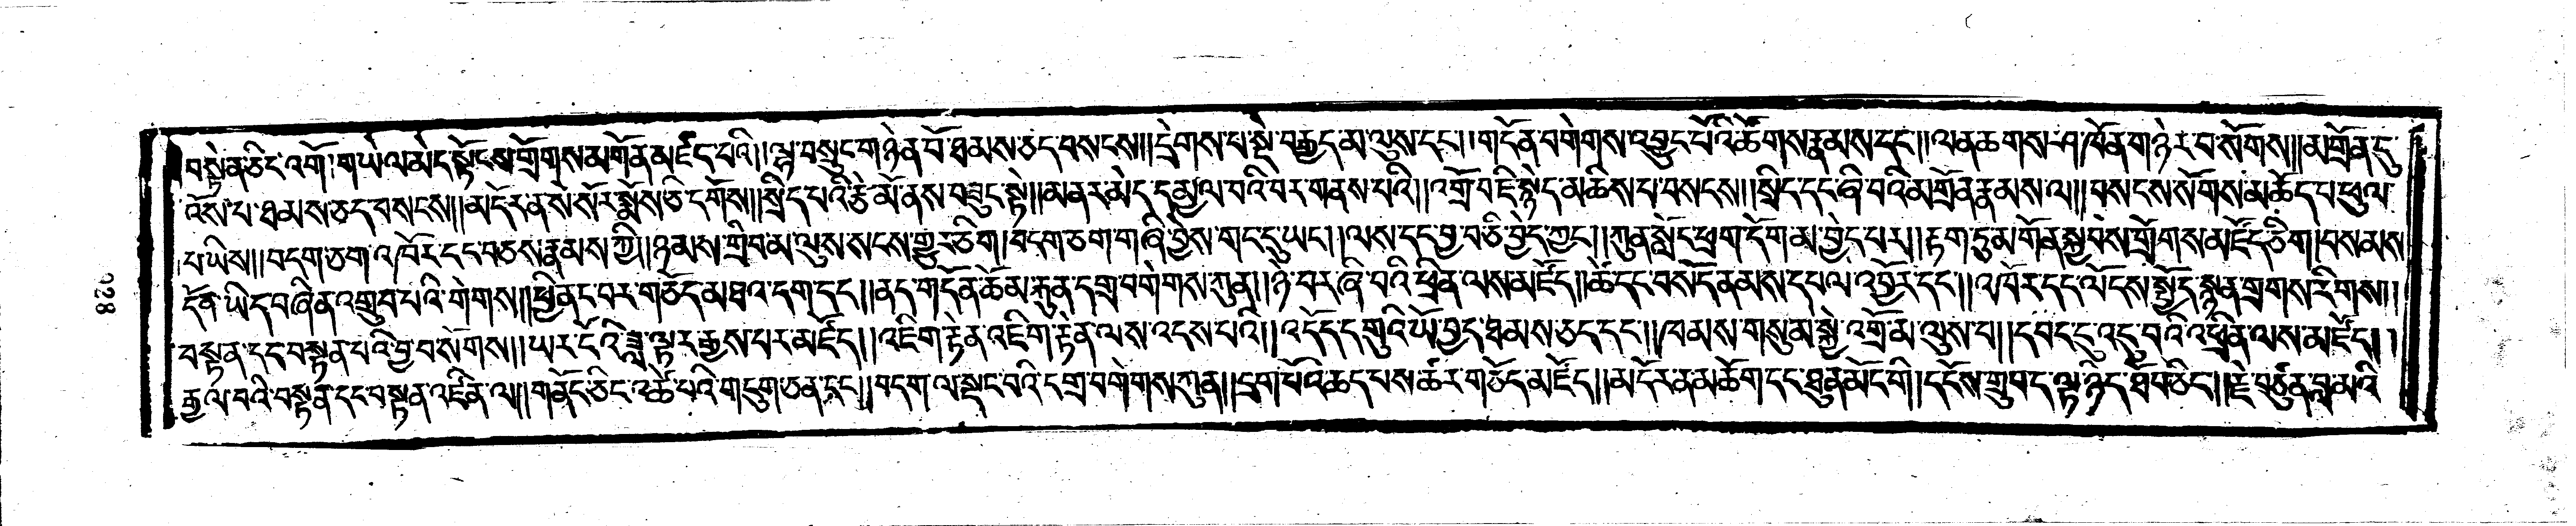བསྟེན་ཅིང་འགོ །གཡེལ་མེད་སྟོང་གྲོགས་མགོན་མཛད་པའི། །ལྷ་བསྲུང་གཉེན་པོ་ཐམས་ཅད་བསངས། །དྲེགས་པ་སྡེ་བརྒྱད་མ་ལུས་དང་། །གདོན་བགེགས་འབྱུང་པོའི་ཚོགས་རྣམས་དང་། །ལན་ཆགས་ཤ་ཁོན་གཉེར་བ་སོགས། །མགྲོན་དུ་
འོས་པ་ཐམས་ཅད་བསངས། །མདོར་ན་སོ་སོར་སྨོས་ཅི་དགོས། །སྲིད་པའི་རྩེ་མོ་ནས་བཟུང་སྟེ། །མནར་མེད་དམྱལ་བའི་བར་གནས་པའི། །འགྲོ་བ་ཇི་སྙེད་མཆིས་པ་བསངས། །སྲིད་དང་ཞི་བའི་མགྲོན་རྣམས་ལ། །བསངས་སོགས་མཆོད་པ་ཕུལ་
བ་ཡིས། །བདག་ཅག་འཁོར་དང་བཅས་རྣམས་ཀྱི། །ཉམས་གྲིབ་མ་ལུས་སངས་གྱུར་ཅིག །བདག་ཅག་གཞི་བྱེས་གང་དུ་ཡང་། །ལས་དང་བྱ་བ་ཅི་བྱེད་ཀྱང་། །ཀུན་སློང་ཕྲག་དོག་མ་བྱེད་པར། །རྟག་ཏུ་མགོན་སྐྱབས་གྲོགས་མཛོད་ཅིག །བསམས་
དོན་ཡིད་བཞིན་འགྲུབ་པའི་གེགས། །ཕྱི་ནང་བར་གཅོད་མཐའ་དག་དང་། །ནད་གདོན་ཆོམ་རྐུན་དགྲ་བགེགས་ཀུན། །ཉེ་བར་ཞི་བའི་ཕྲིན་ལས་མཛོད། །ཚེ་དང་བསོད་ནམས་དཔལ་འབྱོར་དང་། །འཁོར་དང་ལོངས་སྤྱོད་སྙན་གྲགས་རིགས། །
བསྟན་དང་བསྟན་པའི་བྱ་བ་སོགས། །ཡར་ངོའི་ཟླ་ལྟར་རྒྱས་པར་མཛོད། །འཇིག་རྟེན་འཇིག་རྟེན་ལས་འདས་པའི། །འདོད་དགུའི་ཡོ་བྱད་ཐམས་ཅད་དང་། །ཁམས་གསུམ་སྐྱེ་འགྲོ་མ་ལུས་པ། །དབང་དུ་འདུ་བའི་འཕྲིན་ལས་མཛོད། །
རྒྱལ་བའི་བསྟན་དང་བསྟན་འཛིན་ལ། །གནོད་ཅིང་འཚེ་བའི་གདུག་ཅན་དང་། །བདག་ལ་སྡང་བའི་དགྲ་བགེགས་ཀུན། །དྲག་པོའི་ཆད་པས་ཚར་གཅོད་མཛོད། །མདོར་ན་མཆོག་དང་ཐུན་མོང་གི །དངོས་གྲུབ་ད་ལྟ་ཉིད་ཐོབ་ཅིང་། །རྗེ་བཙུན་བླ་མའི་